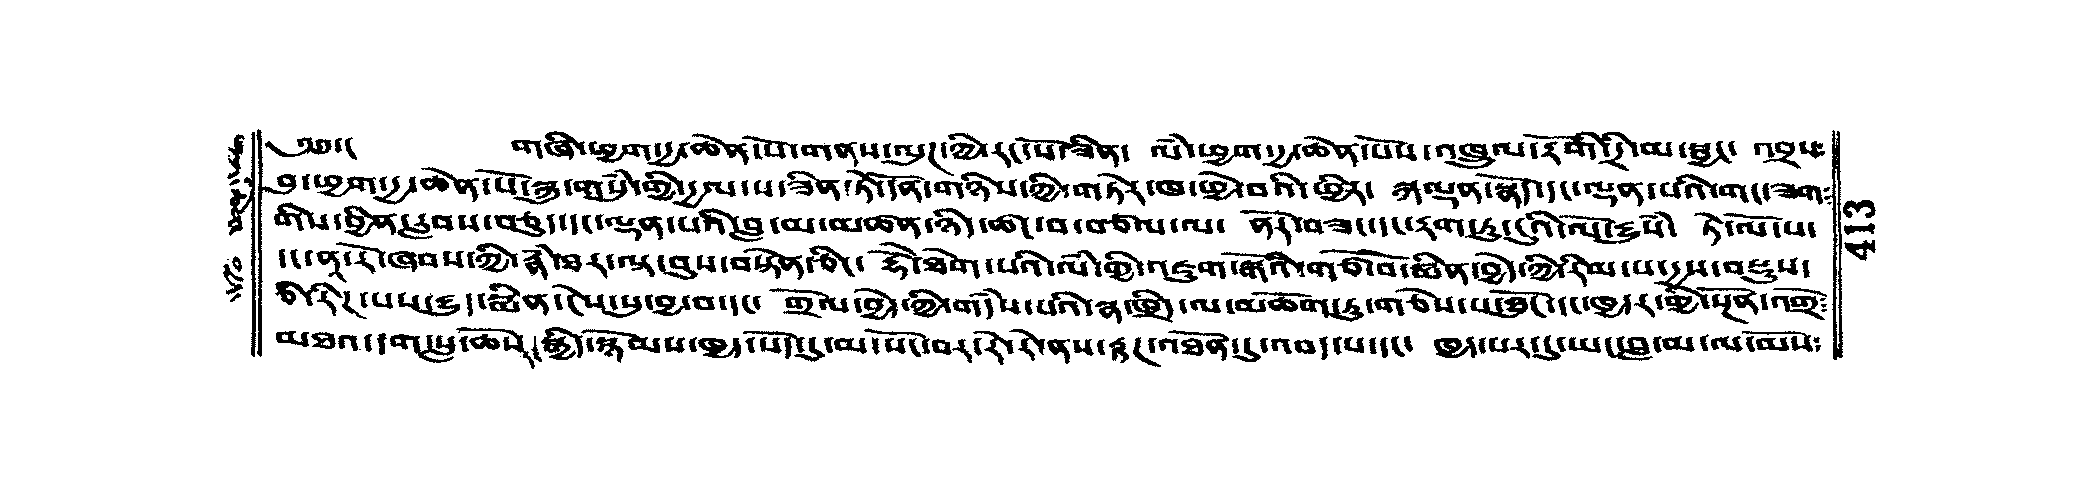གཞི་ཕྱག་རྒྱ་ཆེན་པོ་གནས་ལུགས་ཀྱི་རང་ས་ཟིན། ལམ་ཕྱག་རྒྱ་ཆེན་པོས་འཁྲུལ་རྟོག་གི་དྲི་མ་སྦྱང་། འབྲས་
བུ་ཕྱག་རྒྱ་ཆེན་པོ་སྐུ་གསུམ་གྱི་རྒྱལ་ས་ཟིན་ཏེ་དོན་གཉིས་ཀྱི་གཏེར་ཁ་ཕྱེ་བའི་ཕྱིར། སྐལ་ལྡན་སྣོད་དང་ལྡན་པའི་གང་ཟག་
གིས་བྱིན་རླབས་བཅུད་དང་ལྡན་པའི་བླ་མ་མཚན་ཉིད་ཚང་བ་བཙལ་ལ། ནོར་བཟང་དང་རྟག་ཏུ་ངུའི་ལོ་རྒྱུས་སམ། ཏེ་ལོ་པ་
དང་ནཱ་རོ་ཞབས་ཀྱི་རྣམ་ཐར་ལྟ་བུས་བསྟེན་ཅིང་། རྡོ་རྗེ་ཐེག་པའི་ལམ་གྱི་འཇུག་སྒོའི་གཙོ་བོ་སྨིན་བྱེད་ཀྱི་རིམ་པ་རྒྱས་བསྡུས་
ཅི་རིགས་པས་རྒྱུད་སྨིན་ངེས་སུ་བྱ་བ་དང་། གྲོལ་བྱེད་ཀྱི་གདམས་པའི་སྣ་ཁྲིད་ལ་མཆོག་ཏུ་གཅེས་པ་ཐུན་མོང་དང་ཁྱད་པར་གྱི་སྔོན་འགྲོ་
མཐའ་དག་སླ་ཆོས་དང་སྒྱིད་སྙོམས་ཁྱད་སོད་དུ་མ་སོང་བར་རེ་རེ་ནས་རྟགས་འཐོན་དུ་འབད་པ་དང་། ཁྱད་པར་དུ་ཡང་བླ་མ་ལ་མོས་